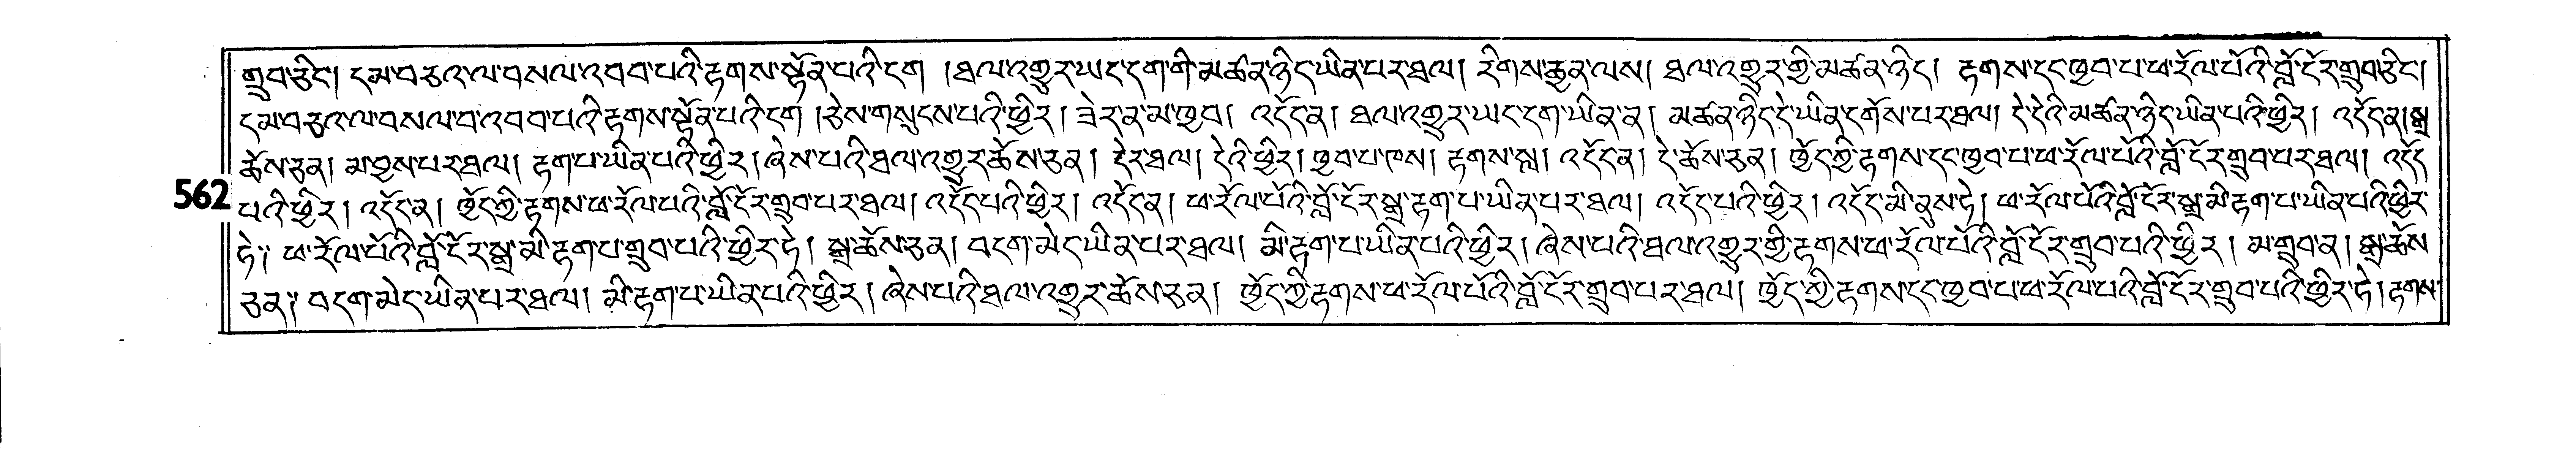གྲུབ་ཅིང་། དམ་བཅའ་ལ་བསལ་འབབ་པའི་རྟགས་སྟོན་པའི་ངག །ཐལ་འགྱུར་ཡང་དག་གི་མཚན་ཉིད་ཡིན་པར་ཐལ། རིགས་རྒྱན་ལས། ཐལ་འགྱུར་གྱི་མཚན་ཉིད། རྟགས་དང་ཁྱབ་པ་ཕ་རོལ་པོའི་བློ་ངོར་གྲུབ་ཅིང་།
དམ་བཅའ་ལ་བསལ་བ་འབབ་པའི་རྟགས་སྟོན་པའི་ངག །ཅེས་གསུངས་པའི་ཕྱིར། ཟེར་ན་མ་ཁྱབ། འདོད་ན། ཐལ་འགྱུར་ཡང་དག་ཡིན་ན། མཚན་ཉིད་དེ་ཡིན་དགོས་པར་ཐལ། དེ་དེའི་མཚན་ཉིད་ཡིན་པའི་ཕྱིར། འདོད་ན། སྒྲ་
ཆོས་ཅན། མ་བྱས་པར་ཐལ། རྟག་པ་ཡིན་པའི་ཕྱིར། ཞེས་པའི་ཐལ་འགྱུར་ཆོས་ཅན། དེར་ཐལ། དེའི་ཕྱིར། ཁྱབ་པ་ཁས། རྟགས་སླ། འདོད་ན། དེ་ཆོས་ཅན། ཁྱོད་ཀྱི་རྟགས་དང་ཁྱབ་པ་ཕ་རོལ་པོའི་བློ་ངོར་གྲུབ་པར་ཐལ། འདོད་
པའི་ཕྱིར། འདོད་ན། ཁྱོད་ཀྱི་རྟགས་ཕ་རོལ་པའི་བློ་ངོར་གྲུབ་པར་ཐལ། འདོད་པའི་ཕྱིར། འདོད་ན། ཕ་རོལ་པོའི་བློ་ངོར་སྒྲ་རྟག་པ་ཡིན་པར་ཐལ། འདོད་པའི་ཕྱིར། འདོད་མི་ནུས་ཏེ། ཕ་རོལ་པོའི་བློ་ངོར་སྒྲ་མི་རྟག་པ་ཡིན་པའི་ཕྱིར་
ཏེ༑ ཕ་རོལ་པོའི་བློ་ངོར་སྒྲ་མི་རྟག་པ་གྲུབ་པའི་ཕྱིར་ཏེ། སྒྲ་ཆོས་ཅན། བདག་མེད་ཡིན་པར་ཐལ། མི་རྟག་པ་ཡིན་པའི་ཕྱིར། ཞེས་པའི་ཐལ་འགྱུར་གྱི་རྟགས་ཕ་རོལ་པོའི་བློ་ངོར་གྲུབ་པའི་ཕྱིར། མ་གྲུབ་ན། སྒྲ་ཆོས་
ཅན༑ བདག་མེད་ཡིན་པར་ཐལ། མི་རྟག་པ་ཡིན་པའི་ཕྱིར། ཞེས་པའི་ཐལ་འགྱུར་ཆོས་ཅན། ཁྱོད་ཀྱི་རྟགས་ཕ་རོལ་པོའི་བློ་ངོར་གྲུབ་པར་ཐལ། ཁྱོད་ཀྱི་རྟགས་དང་ཁྱབ་པ་ཕ་རོལ་པའི་བློ་ངོར་གྲུབ་པའི་ཕྱིར་ཏེ། རྟགས་